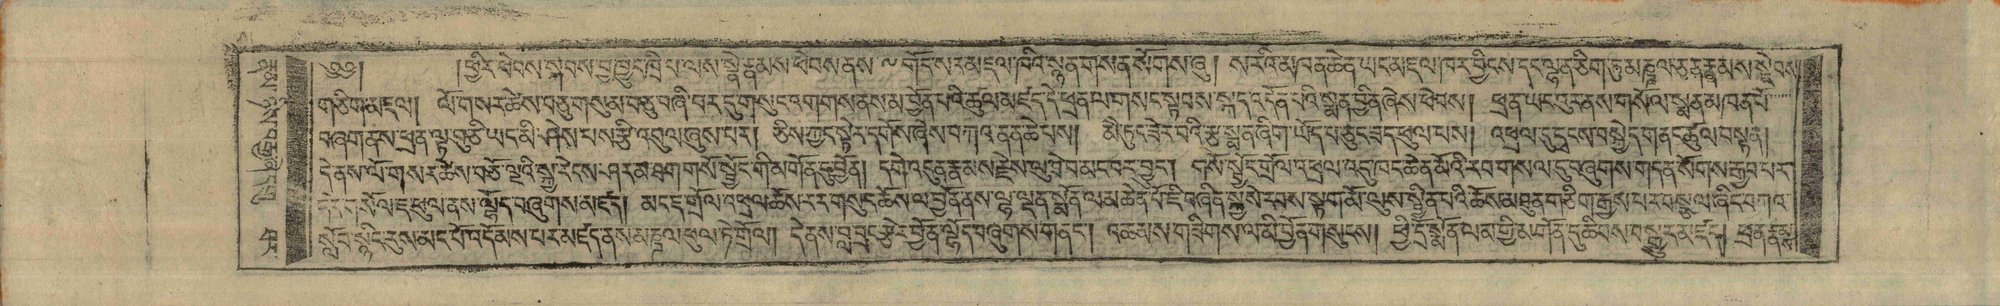༄༅། །ཕྱིར་ཕེབས་སྐབས་བྱ་ཁྱུང་ཁྲི་པ་ལས་སྣེ་རྣམས་ཕེབས་ནས་༧གོང་སར་མཇལ་ཁའི་སྙན་གསན་སོགས་ཞུ། ས་རའི་མཁན་ཆེན་ཡང་མཇལ་ཁར་བྱིངས་དང་ལྷན་ཅིག་ཏུ་མཎྜལ་ཅན་རྣམས་སྡེབས་
གཅིག་མཇལ། ལོ་གསར་ཚེས་བཅུ་གསུམ་བཅུ་བཞི་བར་དུ་གསུང་འགགས་ནས་མ་བྱོན་པའི་ཚུལ་མཛད་དེ་ཕྲན་ལ་གསང་སྟབས་སྐད་འདོན་པའི་སྨན་བྱིན་ཞེས་ཕེབས། ཕྲན་ཡང་འུར་ནས་གསོལ་སྨན་མཁན་པོ་
བཞག་ནས་ཕྲན་ལྟ་བུ་ཅི་ཡང་མི་ཤེས་པས་རྩི་འབུལ་ཞུས་པར། ཅིས་ཀྱང་སྟེར་དགོས་ཞེས་བཀའ་ནན་ཆེ་པས། མཻ་ཏུང་ཟེར་བའི་རྩ་སྨན་ཞིག་ཡོད་པ་ཅུང་ཟད་ཕུལ་པས། འཕྲལ་དུ་དྭངས་བསྐྱེད་གནང་ཚུལ་བསྟན།
དེ་ནས་ལོ་གསར་ཚེས་བཅོ་ལྔའི་སྐྱ་རེངས་ཤར་མ་ཐག་གསོ་སྦྱོང་གི་མགོན་དུ་བྱོན། དགེ་འདུན་རྣམས་རྗེས་ལུ་ཐེ་བ་མང་བར་བྱུང་། གསོ་སྦྱོང་གྲོལ་འཕྲལ་འདུ་ཁང་ཆེན་མོའི་རབ་གསལ་དུ་བཞུགས་གདན་སོགས་རྒྱབ་པར་
དེར་གསོལ་ཇ་ཕུལ་ནས་ལྷོད་བཞུགས་མཛད། མང་ཇ་གྲོལ་འཕྲལ་ཆོས་རར་གསུང་ཆོས་ལ་བྱོན་ནས་ལྷ་ལྡན་སྨོན་ལམ་ཆེན་པོ་ཇི་བཞིན་སྐྱེས་རབས་སྟག་མོ་ལུས་སྦྱིན་པའི་ཆོས་མཐུན་གཅིག་རྒྱས་པར་བསྩལ་ཞིང་བཀའ་
སློབ་སྙིང་རུས་མང་པོ་འདོམས་པར་མཛད་ནས་མཎྜལ་ཕུལ་ཏེ་གྲོལ། དེ་ནས་བླ་བྲང་རྩེར་བྱོན་ལྷོད་བཞུགས་གནང་། འཆམས་གཟིགས་ལ་མི་བྱོན་གསུངས། ཕྱི་དྲོ་སྨོན་ལམ་གྱི་མགོན་དུ་ཆིབས་བསྒྱུར་མཛད། ཕྲན་རྣམས་